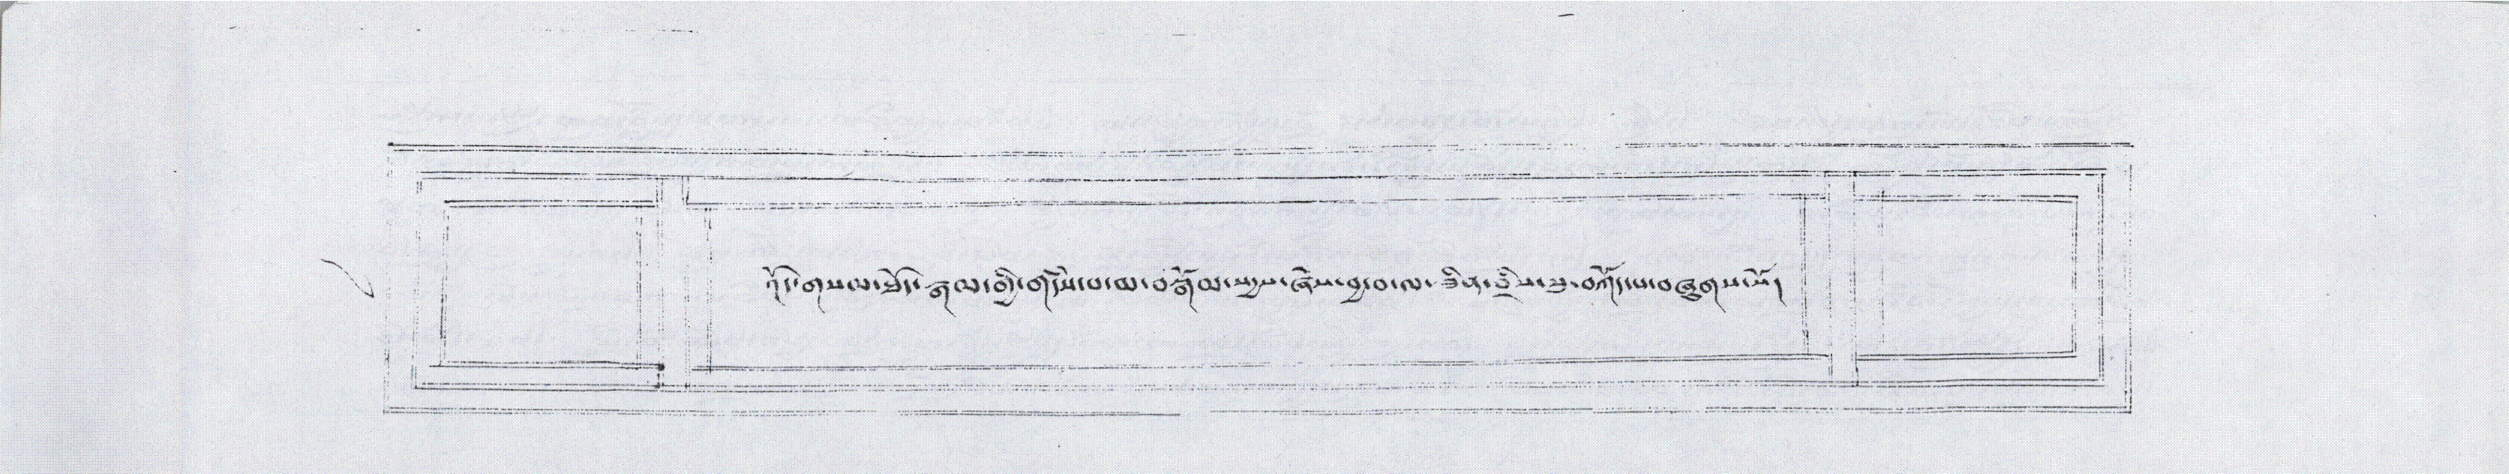འོད་གསལ་ཐོད་རྒལ་གྱི་གདམས་པ་མ་བསྒོམས་སངས་རྒྱས་ཞེས་བྱ་བ་ལ་ཟིན་བྲིས་སུ་བཀོད་པ་བཞུགས་སོ། །